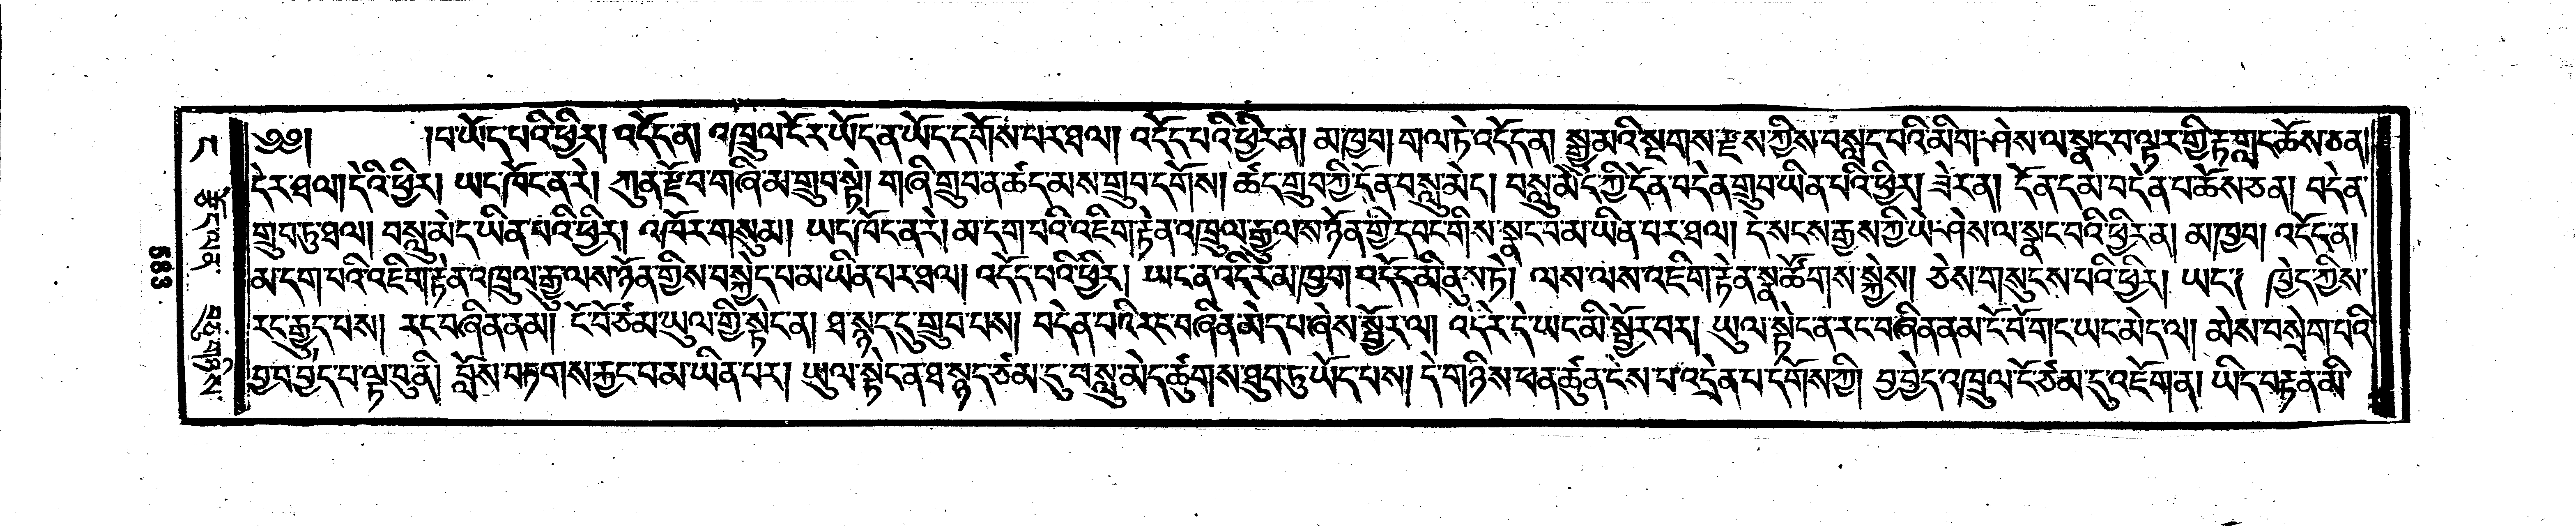༄༅། །པ་ཡོད་པའི་ཕྱིར། འདོད་ན། འཁྲུལ་ངོར་ཡོད་ན་ཡོད་དགོས་པར་ཐལ། འདོད་པའི་ཕྱིར་ན། མ་ཁྱབ། གལ་ཏེ་འདོད་ན། སྒྱུ་མའི་སྔགས་རྫས་ཀྱིས་བསླད་པའི་མིག་ཤེས་ལ་སྣང་བ་ལྟར་གྱི་རྟ་གླང་ཆོས་ཅན།
དེར་ཐལ། དེའི་ཕྱིར། ཡང་ཁོང་ན་རེ། ཀུན་རྫོབ་གཞི་མ་གྲུབ་སྟེ། གཞི་གྲུབ་ན་ཚད་མས་གྲུབ་དགོས། ཚད་གྲུབ་ཀྱི་དོན་བསླུ་མེད། བསླུ་མེད་ཀྱི་དོན་བདེན་གྲུབ་ཡིན་པའི་ཕྱིར། ཟེར་ན། དོན་དམ་བདེན་པ་ཆོས་ཅན། བདེན་
གྲུབ་ཏུ་ཐལ། བསླུ་མེད་ཡིན་པའི་ཕྱིར། འཁོར་གསུམ། ཡང་ཁོང་ན་རེ། མ་དག་པའི་འཇིག་རྟེན་འཁྲུལ་རྒྱུ་ལས་ཉོན་གྱི་དབང་གིས་སྣང་བ་མ་ཡིན་པར་ཐལ། དེ་སངས་རྒྱས་ཀྱི་ཡེ་ཤེས་ལ་སྣང་བའི་ཕྱིར་ན། མ་ཁྱབ། འདོད་ན།
མ་དག་པའི་འཇིག་རྟེན་འཁྲུལ་རྒྱུ་ལས་ཉོན་གྱིས་བསྐྱེད་པ་མ་ཡིན་པར་ཐལ། འདོད་པའི་ཕྱིར། ཡང་ན་འདིར་མ་ཁྱབ། འདོད་མི་ནུས་ཏེ། ལས་ལས་འཇིག་རྟེན་སྣ་ཚོགས་སྐྱེས། ཅེས་གསུངས་པའི་ཕྱིར། ཡང་། ཁྱེད་ཀྱིས་
རང་རྒྱུད་པས། རང་བཞིན་ནམ། ངོ་བོ་ཙམ་ཡུལ་གྱི་སྟེང་ན། ཐ་སྙད་དུ་གྲུབ་པས། བདེན་པའི་རང་བཞིན་མེད་པ་ཞེས་སྦྱོར་ལ། འདིར་དེ་ཡང་མི་སྦྱོར་བར། ཡུལ་སྟེང་ན་རང་བཞིན་ནམ་ངོ་བོ་གང་ཡང་མེད་ལ། མེས་བསྲེག་པའི་
བྱ་བ་བྱེད་པ་ལྟ་བུ་ནི། བློས་བཏགས་རྐྱང་པ་མ་ཡིན་པར། ཡུལ་སྟེང་ན་ཐ་སྙད་ཙམ་དུ་བསླུ་མེད་ཚུགས་ཐུབ་ཏུ་ཡོད་པས། དེ་གཉིས་ཕན་ཚུན་ངེས་པ་འདྲེན་པ་དགོས་ཀྱི། བྱ་བྱེད་འཁྲུལ་ངོ་ཙམ་དུ་འཇོག་ན། ཡིད་བརྟན་མི་